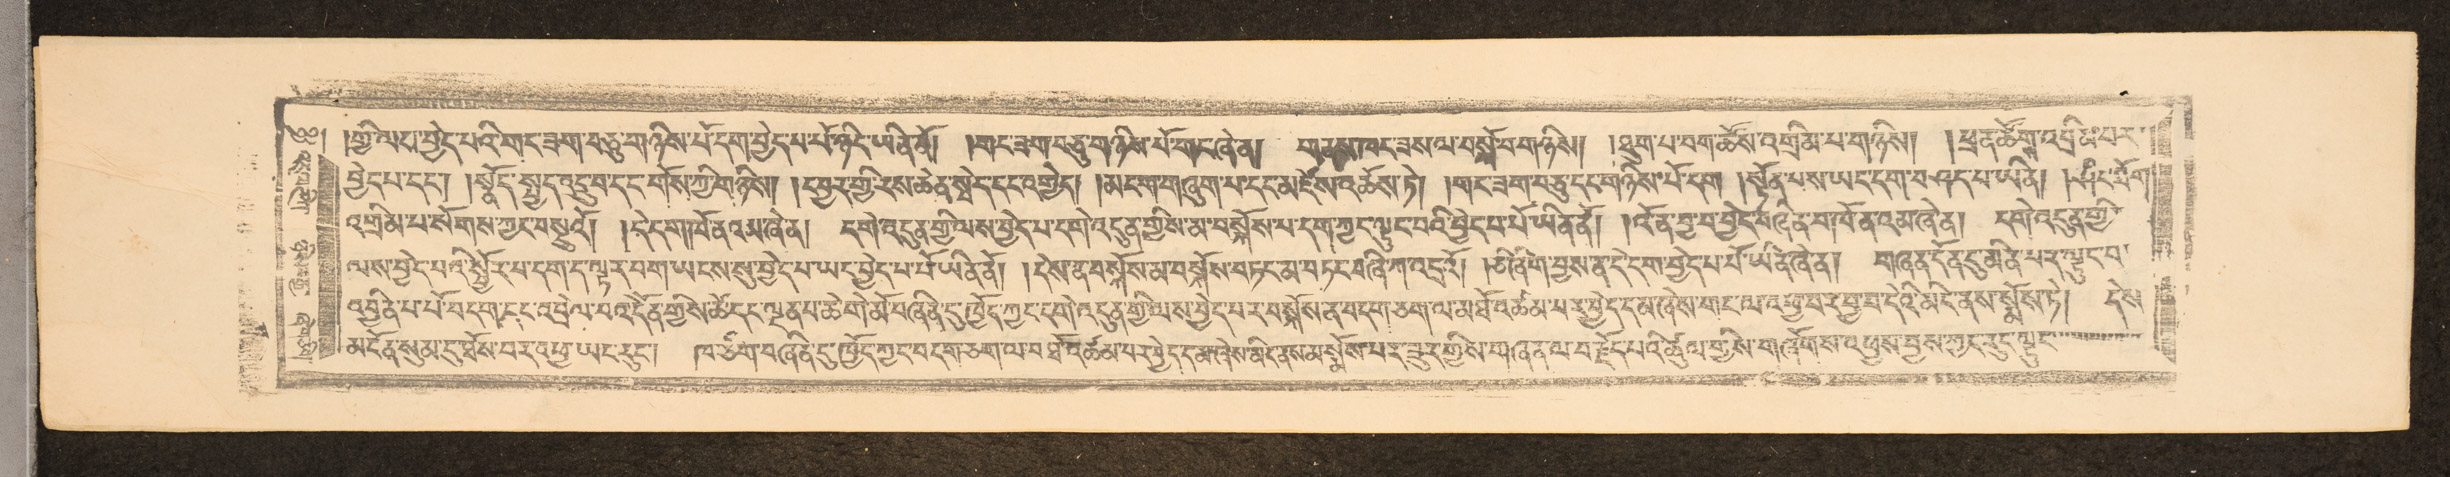༄༅། །གྱི་ལས་བྱེད་པའི་གང་ཟག་བཅུ་གཉིས་པོ་དག་བྱེད་པ་པོ་ཉིད་ཡིན་ནོ། །གང་ཟག་བཅུ་གཉིས་པོ་གང་ཞེ་ན། གནས་ཁང་ཟས་ལ་བསྐོ་བ་གཉིས། །ཐུག་པ་བག་ཚོས་འགྲིམ་པ་གཉིས། །ཕྲན་ཚོགས་འབྲིམ་པར་
བྱེད་པ་དང་། །སྣོད་སྤྱད་འདྲུབ་དང་གོས་ཀྱི་གཉིས། །དབྱར་གྱི་རས་ཆེན་སྦེད་དང་འགྱེད། །མངག་གཞུག་པ་དང་མཛེས་འཆོས་ཏེ། །གང་ཟག་བཅུ་དང་གཉིས་པོ་དག །སྟོན་པས་ཡང་དག་བཤད་པ་ཡིན། །ཤིང་ཐོག་
འགྲིམ་པ་སོགས་ཀྱང་བསྡུའོ། །དེ་དག་ཁོ་ནའམ་ཞེ་ན། དགེ་འདུན་གྱི་ལས་བྱེད་པ་དགེ་འདུན་གྱིས་མ་བསྐོས་པ་དག་ཀྱང་ལྟུང་བའི་བྱེད་པ་པོ་ཡིན་ནོ། །འོ་ན་བྱ་བ་བྱེད་བཞིན་པ་ཁོ་ན་འམ་ཞེ་ན། དགེ་འདུན་གྱི་
ལས་བྱེད་པའི་སྦྱོར་བ་དག་ད་ལྟར་བག་ཡངས་སུ་བྱེད་པ་ཡང་བྱེད་པ་པོ་ཡིན་ནོ། །དེས་ན་བསྐོས་མ་བསྐོས་བཏང་མ་བཏང་བཞི་ཀ་འདའོ། །མི་ཞིག་བྱས་ན་དེ་དག་བྱེད་པ་པོ་ཡིན་ཞེ་ན། གཞན་དོན་དུ་མིན་པར་ལྟུང་བ་
འབྱིན་པ་པོ་བདག་དང་འབྲེལ་བའི་དོན་གྱིས་ཚེ་དང་ལྡན་པ་ཆེ་གེ་མོ་བཞིན་དུ་ཁྱོད་ཀྱང་དགེ་འདུན་གྱི་ལས་བྱེད་པར་བསྐོས་ན་བདག་ཅག་ལ་མཐོ་འཚམ་པར་བྱེད་དམ་ཞེས་གང་ལ་འཕྱ་བར་བྱ་བ་དེའི་མིང་ནས་སྨོས་ཏེ། དེས་
མངོན་སུམ་དུ་ཐོས་པར་འཕྱ་ཡང་རུང་། ཁ་ཅིག་བཞིན་དུ་ཁྱོད་ཀྱང་བདག་ཅག་ལ་བྠོ་འཚམ་པར་བྱེད་དམ་ཞེས་མིང་ནས་མ་སྨོས་པར་ཟུར་གྱིས་གཞན་ལ་བརྗོད་པའི་ཚུལ་གྱིས་གཞོགས་འཕྱས་བྱས་ཀྱང་རུང་ལྟུང་